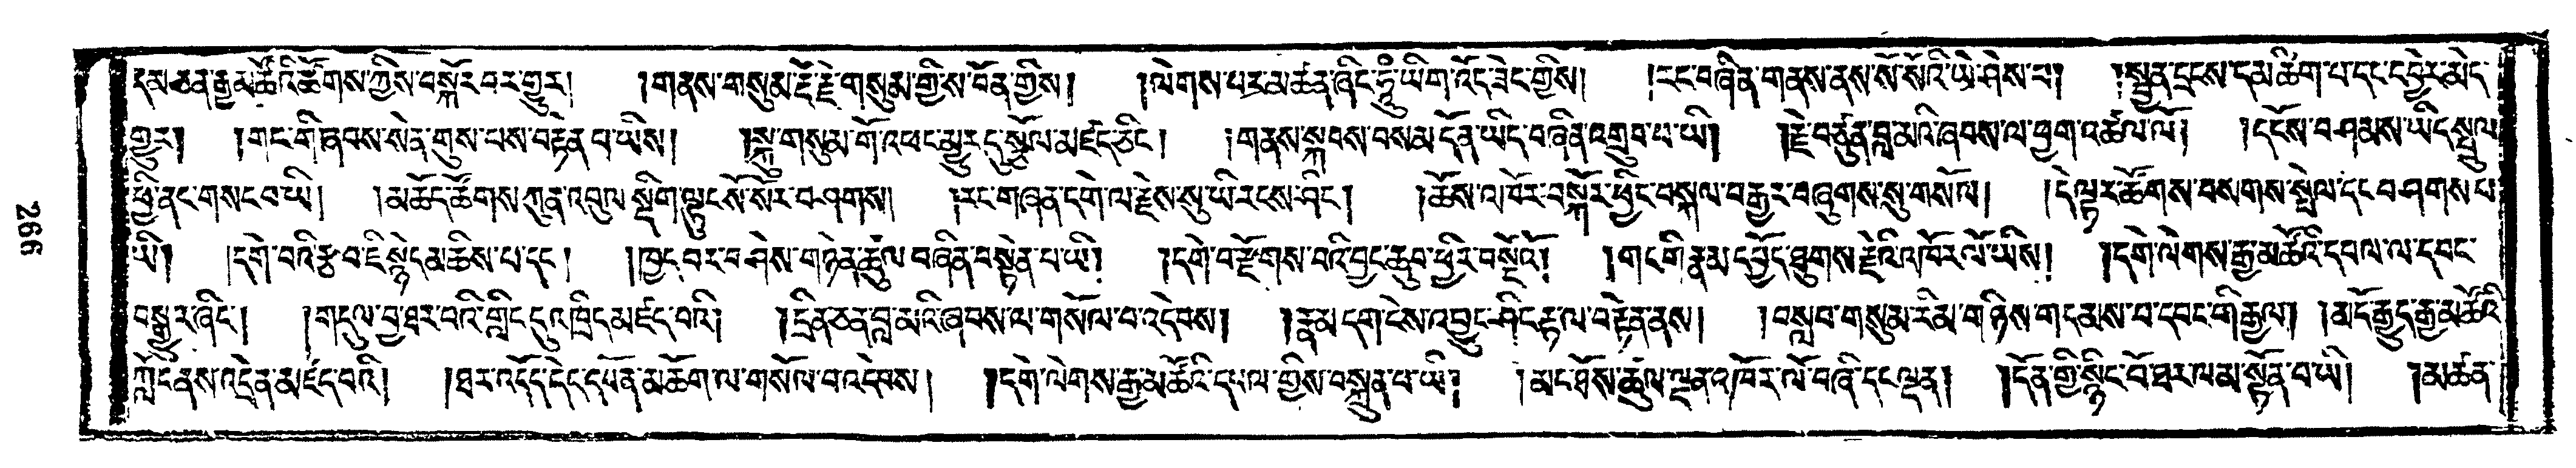དམ་ཅན་རྒྱ་མཚོའི་ཚོགས་ཀྱིས་བསྐོར་བར་གྱུར། །གནས་གསུམ་རྡོ་རྗེ་གསུམ་གྱི་ས་བོན་གྱིས། །ལེགས་པར་མཚན་ཞིང་ཧཱུཾ་ཡིག་འོད་ཟེད་གྱིས། །རང་བཞིན་གནས་ནས་སོ་སོའི་ཡེ་ཤེས་པ། །སྤྱན་དྲངས་དམ་ཚིག་པ་དང་དབྱེར་མེད་
གྱུར། །གང་གི་ཞབས་སེན་གུས་པས་བརྟེན་པ་ཡིས། །སྐུ་གསུམ་གོ་འཕང་མྱུར་དུ་སྩོལ་མཛད་ཅིང་། །གནས་སྐབས་བསམ་དོན་ཡིད་བཞིན་འགྲུབ་པ་ཡི། །རྗེ་བཙུན་བླ་མའི་ཞབས་ལ་ཕྱག་འཚལ་ལོ། །དངོས་བཤམས་ཡིད་སྤྲུལ་
ཕྱི་ནང་གསང་བ་ཡི། །མཆོད་ཚོགས་ཀུན་འབུལ་སྡིག་ལྟུང་སོ་སོར་བཤགས། །རང་གཞན་དགེ་ལ་རྗེས་སུ་ཡི་རངས་ཤིང་། །ཆོས་འཁོར་བསྐོར་ཕྱིང་བསྐལ་བརྒྱར་བཞུགས་སུ་གསོལ། །དེ་ལྟར་ཚོགས་བསགས་སྤེལ་དང་བཤགས་པ་
ཡི། །དགེ་བའི་རྩ་བ་ཇི་སྙེད་མཆིས་པ་དང་། །ཁྱད་པར་བཤེས་གཉེན་ཚུལ་བཞིན་བསྟེན་པ་ཡི། །དགེ་བ་རྫོགས་བའི་བྱང་ཆུབ་ཕྱིར་བསྔོའོ། །གང་གི་རྣམ་དཔྱོད་ཐུགས་རྗེའི་འཁོར་ལོ་ཡིས། །དགེ་ལེགས་རྒྱ་མཚོའི་དཔལ་ལ་དབང་
བསྒྱུར་ཞིང་། །གདུལ་བྱ་ཐར་བའི་གླིང་དུ་འཁྲིད་མཛད་པའི། །དྲིན་ཅན་བླ་མའི་ཞབས་ལ་གསོལ་བ་འདེབས། །རྣམ་དག་ངེས་འབྱུང་ཤིང་རྟ་ལ་བརྟེན་ནས། །བསླབ་གསུམ་རིམ་གཉིས་གདམས་པ་དབང་གི་རྒྱལ། །མདོ་རྒྱུད་རྒྱ་མཚོའི་
ཀློང་ནས་འདྲེན་མཛད་བའི། །ཐར་འདོད་དེང་དཔོན་མཆོག་ལ་གསོལ་བ་འདེབས། །དགེ་ལེགས་རྒྱ་མཚོའི་དཔལ་གྱིས་བསྐྲུན་པ་ཡི། །མང་ཐོས་ཚུལ་ལྡན་འཁོར་ལོ་བཞི་དང་ལྡན། །དོན་གྱི་སྙིང་བོ་ཐར་ལམ་སྟོན་པ་ཡི། །མཚན་